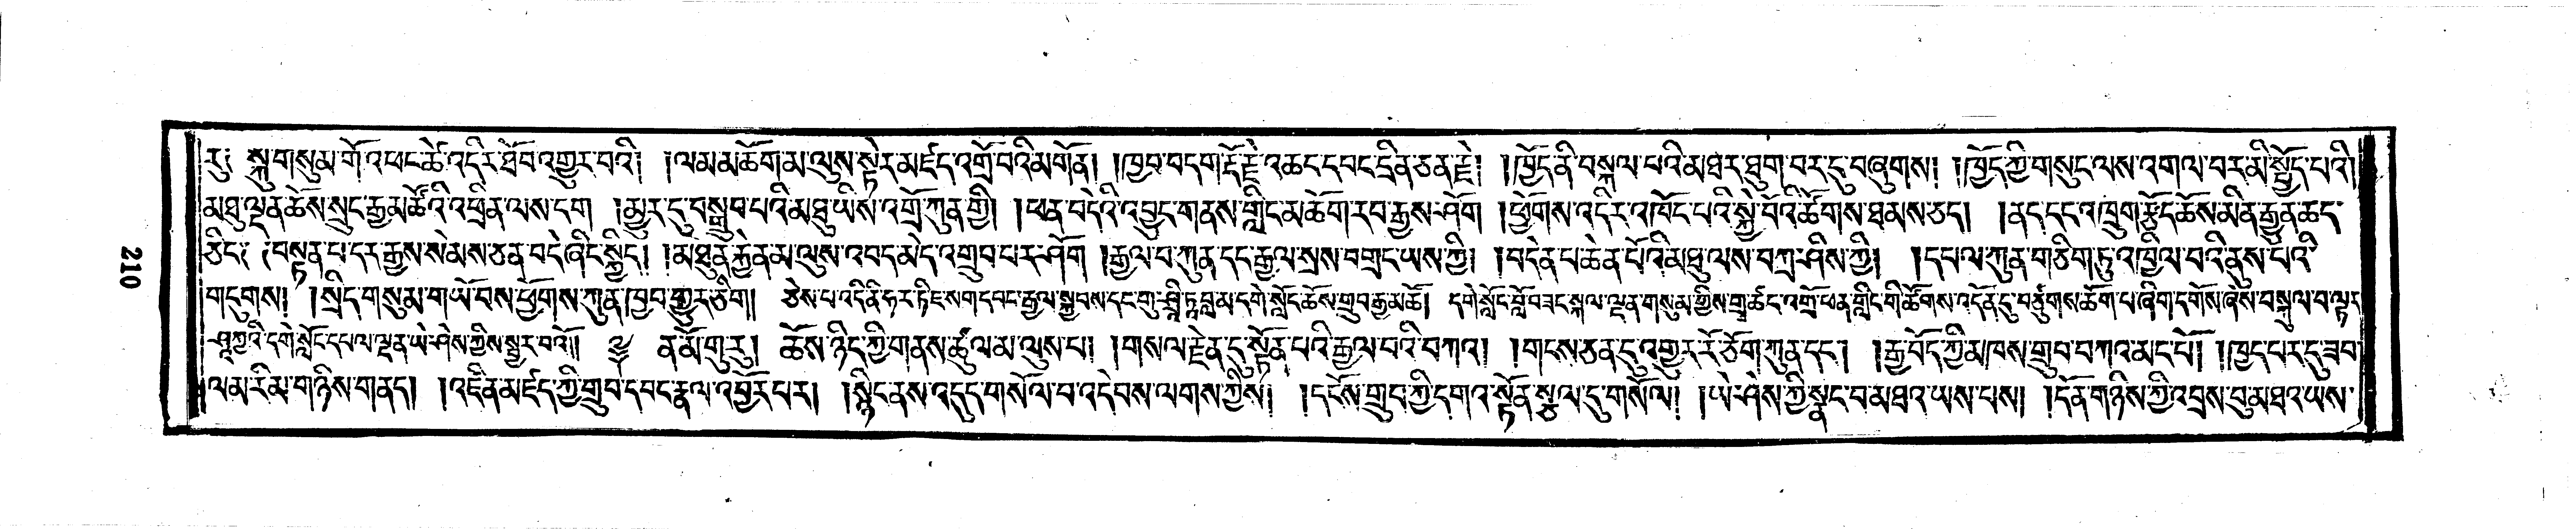རུ༑ སྐུ་གསུམ་གོ་འཕང་ཚེ་འདིར་ཐོབ་འགྱུར་བའི། །ལམ་མཆོག་མ་ལུས་སྟེར་མཛད་འགྲོ་བའི་མགོན། །ཁྱབ་བདག་རྡོ་རྗེ་འཆང་དབང་དྲིན་ཅན་རྗེ། །ཁྱོད་ནི་བསྐལ་པའི་མཐར་ཐུག་བར་དུ་བཞུགས། །ཁྱོད་ཀྱི་གསུང་ལས་འགལ་བར་མི་སྤྱོད་པའི།
མཐུ་ལྡན་ཆོས་སྲུང་རྒྱ་མཚོའི་འཕྲིན་ལས་དག །མྱུར་དུ་བསྒྲུབ་པའི་མཐུ་ཡིས་འགྲོ་ཀུན་གྱི། །ཕན་བདེའི་འབྱུང་གནས་གླིང་མཆོག་རབ་རྒྱས་ཤོག །ཕྱོགས་འདིར་འཁོང་པའི་སྐྱེ་བོའི་ཚོགས་ཐམས་ཅད། །ནང་དང་འཁྲུག་རྩོད་ཆོས་མིན་རྒྱུན་ཆད་
ཅིང༑ ༑བསྟན་པ་དར་རྒྱས་སེམས་ཅན་བདེ་ཞིང་སྐྱིད། །མཐུན་རྐྱེན་མ་ལུས་འབད་མེད་འགྲུབ་པར་ཤོག །རྒྱལ་བ་ཀུན་དང་རྒྱལ་སྲས་བགྲང་ཡས་ཀྱི། །བདེན་པ་ཆེན་པོའི་མཐུ་ལས་བཀྲ་ཤིས་ཀྱི། །དཔལ་ཀུན་གཅིག་ཏུ་འཁྱིལ་བའི་ནུས་པའི་
གདུགས། །སྲིད་གསུམ་གཡོ་བས་ཕྱོགས་ཀུན་ཁྱབ་གྱུར་ཅིག། ཅེས་པ་འདི་ནི་ཧར་ཏི་ཇ་སག་དབང་རྒྱལ་སྐྱབས་དང་གུ་ཤྲཱི་ཏཱ་བླ་མ་དགེ་སློང་ཆོས་གྲུབ་རྒྱ་མཚོ། དགེ་སློང་བློ་བཟང་སྐལ་ལྡན་གསུམ་གྱིས་གྲྭ་ཚང་འགྲོ་ཕན་གླིང་གི་ཚོགས་འདོན་དུ་བཙུགས་ཆོག་པ་ཞིག་དགོས་ཞེས་བསྐུལ་བ་ལྟར་
ཤཱཀྱའི་དགེ་སློང་དཔལ་ལྡན་ཡེ་ཤེས་ཀྱིས་སྦྱར་བའོ།། ༈ ན་མོ་གུ་རུ། ཆོས་ཉིད་ཀྱི་གནས་ཚུལ་མ་ལུས་པ། །གསལ་རྗེན་དུ་སྟོན་པའི་རྒྱལ་བའི་བཀའ། །གངས་ཅན་དུ་འགྱུར་རོ་ཅོག་ཀུན་དང་། །རྒྱ་བོད་ཀྱི་མཁས་གྲུབ་བཀའ་མང་པོ། །ཁྱད་པར་དུ་ཟབ་
ལམ་རིམ་གཉིས་གནད། །འཛིན་མཛད་ཀྱི་གྲུབ་དབང་རྣལ་འབྱོར་པར། །སྙིང་ནས་འདུད་གསོལ་བ་འདེབས་ལགས་ཀྱིས། །དངོས་གྲུབ་ཀྱི་དགའ་སྟོན་སྩལ་དུ་གསོལ། །ཡེ་ཤེས་ཀྱི་སྣང་བ་མཐའ་ཡས་པས། །དོན་གཉིས་ཀྱི་འབྲས་བུ་མཐའ་ཡས་